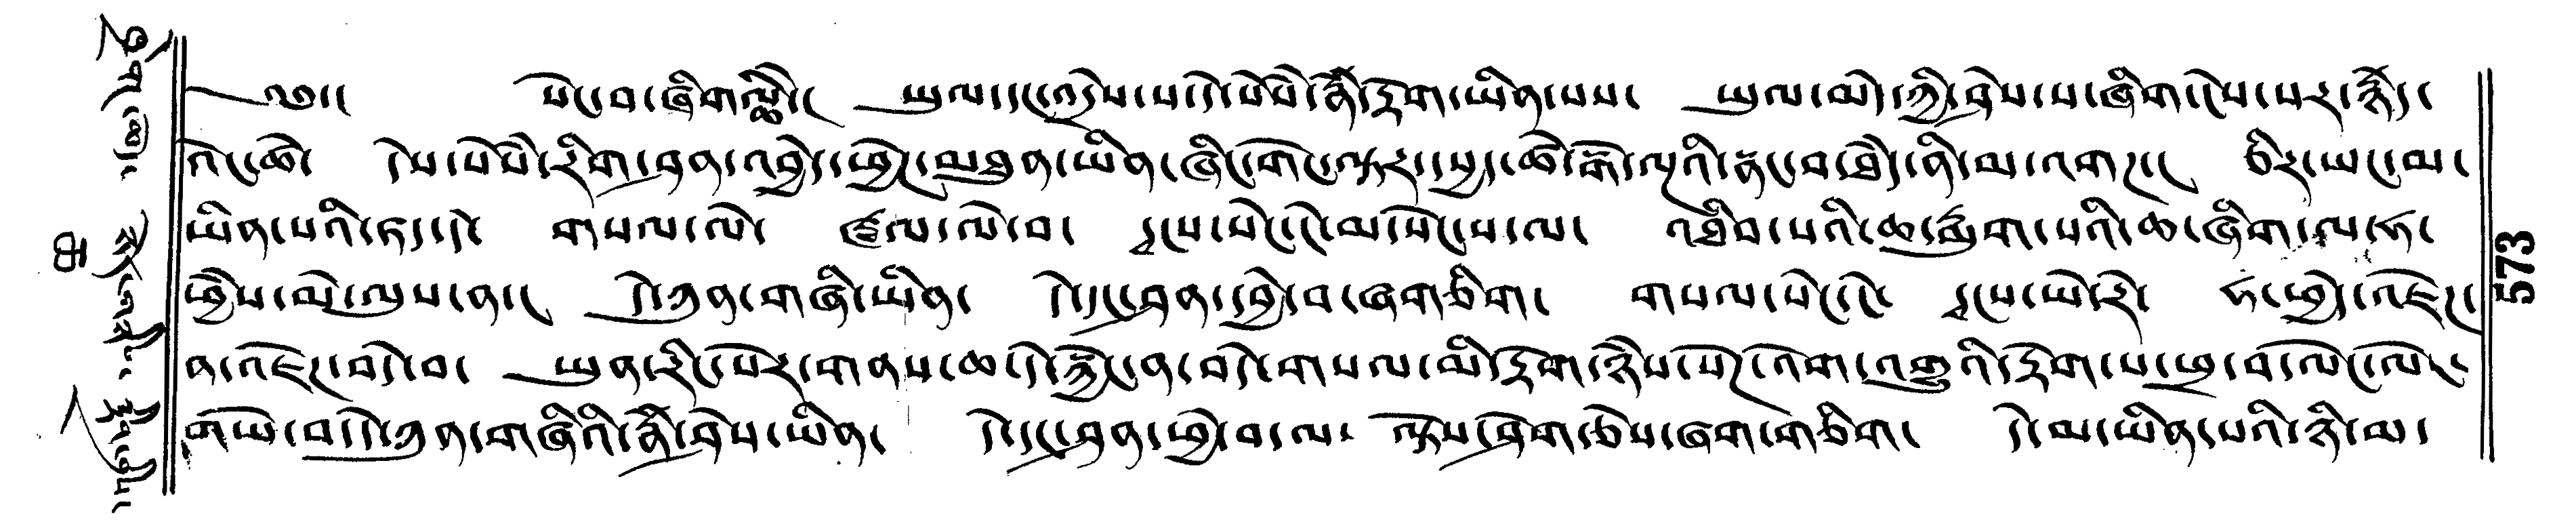སོང་བ་ཞིག་གལ་ཆེའོ། ཡུལ་དང་འདྲེས་ས་དེ་སེམས་རྣམ་རྟོག་ཡིན་པས། ཡུལ་མེད་ཀྱི་ཤེས་པ་ཞིག་ངེས་པར་རྙེད་
འོང་ཚེ། དེ་སེམས་རིག་ཤན་འབྱེད་ཕྱོགས་མཐུན་ཡིན་ཞིང་གོང་ལྟར་དཔྱད་ཚེ་སྒོ་ལྔའི་སྣང་བ་ཐམས་ཅད་ནི་མ་འགགས། ཅིར་ཡང་མ་
ཡིན་པའི་ཧད་དེ། གསལ་ལེ། ཝལ་ལེ་བ། དྭངས་སེང་ངེ་མ་སོང་བར། འཐིབས་པའི་ཆའམ་རྨུགས་པའི་ཆ་ཞིག་ལ་ཧ་
ཕྱམ་མེ་ལུས་ན། དེ་ཀུན་གཞི་ཡིན། དེ་དང་ཤན་དབྱེ་བར་ཞག་གཅིག གསལ་སེང་ངེ་། དྭངས་ཡེ་རེ། ཧ་ཕྱད་དེ་འཇོག་
ན་འཇོག་བདེ་བས། ཡུན་རིང་པོར་གནས་ཆ་དེ་བསྐྱངས་ན་བདེ་གསལ་མི་རྟོག་པའི་ཉམས་སོགས་འོག་འགྱུའི་རྟོག་པ་ཕྲ་བ་ལོང་ལོང་དུ་
གཡོ་བ་དེ་ཀུན་གཞིའི་རྣམ་ཤེས་ཡིན། དེ་དང་ཤན་ཕྱེ་བ་ལ་ ལྟོས་ཤོག་ཅེས་ཞག་གཅིག དེ་མ་ཡིན་པའི་ཉི་མ་